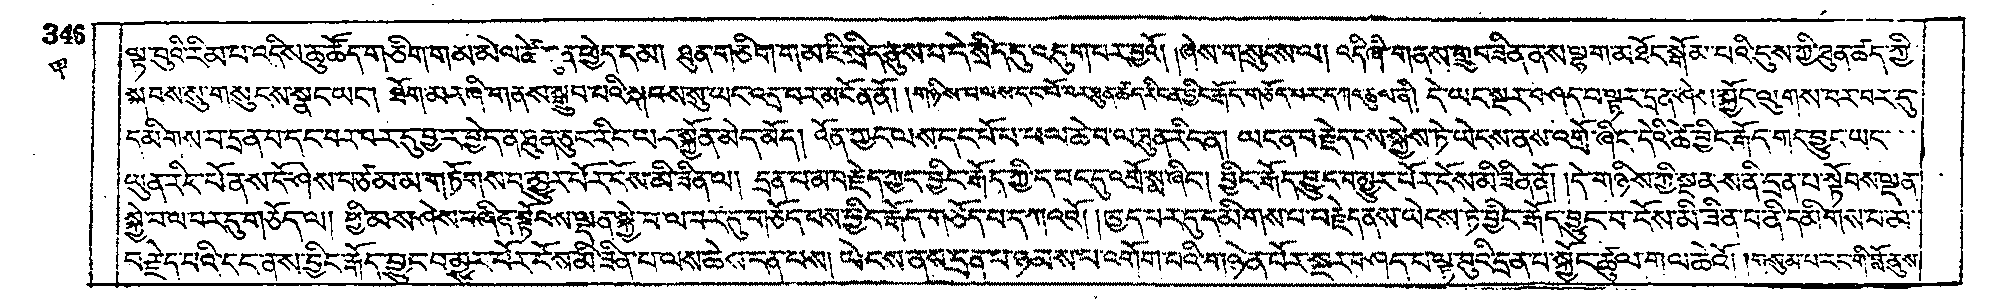ལྟ་བུའི་རིམ་པ་འདིས་ཆུ་ཚོད་གཅིག་གམ་མེལ་ཚེ་ཐུན་ཕྱེད་དམ། ཐུན་གཅིག་གམ་ཇི་སྲིད་ནུས་པ་དེ་སྲིད་དུ་འདུག་པར་བྱའོ། །ཞེས་གསུངས་ལ། འདི་ཞི་གནས་གྲུབ་ཟིན་ནས་ལྷག་མཐོང་སྒོམ་པའི་དུས་ཀྱི་ཐུན་ཚད་ཀྱི་
སྐབས་སུ་གསུངས་སྣང་ཡང་། ཐོག་མར་ཞི་གནས་སྒྲུབ་པའི་སྐབས་སུ་ཡང་འདྲ་བར་མངོན་ནོ། །གཉིས་པ་ལས་དང་པོ་བར་ཐུན་ཚད་རིང་ན་བྱིང་རྒོད་གཅོད་པར་དཀའ་ཚུལ་ནི།  དེ་ཡང་སྔར་བཤད་པ་ལྟར་དྲན་ཤེས་སྐྱོང་ལུགས་བར་བར་དུ་
དམིགས་པ་དྲན་པ་དང་བར་བར་དུ་བྱ་ར་བྱེད་ན་ཐུན་ཅུང་རིང་ཡང་སྐྱོན་མེད་མོད། འོན་ཀྱང་ལས་དང་པོ་པ་ཕལ་ཆེ་བ་ལ་ཐུན་རིང་ན། ཡང་ན་བརྗེད་ངས་སྐྱེས་ཏེ་ཡེངས་ནས་འགྲོ་ཞིང་དེའི་ཚེ་བྱིང་རྒོད་གང་བྱུང་ཡང་
ཡུན་རིང་པོ་ནས་ངོ་ཤེས་པ་ཙམ་མ་གཏོགས་པ་མྱུར་པོར་ངོས་མི་ཟིན་ལ། དྲན་པ་མ་བརྗེད་ཀྱང་བྱིང་རྒོད་ཀྱི་དབང་དུ་འགྲོ་སླ་ཞིང་། བྱིང་རྒོད་བྱུང་བ་མྱུར་པོར་ངོས་མི་ཟིན་ནོ། །དེ་གཉིས་ཀྱི་སྔམས་ནི་དྲན་པ་སྟོབས་ལྡན་
སྐྱེ་བ་ལ་བར་དུ་གཅོད་ལ། ཕྱི་མས་ཤེས་བཞིན་སྟོབས་ལྡན་སྐྱེ་བ་ལ་བར་དུ་གཅོད་བས་བྱིང་རྒོད་གཅོད་པ་དཀའ་འོ། །ཁྱད་པར་དུ་དམིགས་པ་བརྗེད་ནས་ཡེངས་ཏེ་བྱིང་རྒོད་བྱུང་བ་ངོས་མི་ཟིན་པ་ནི་དམིགས་པ་མ་
བརྗེད་པའི་ངང་ནས་བྱིང་རྒོད་བྱུང་བ་མྱུར་པོར་ངོས་མི་ཟིན་པ་ལས་ཆེས་ངན་པས། ཡེངས་ནས་དྲན་པ་ཉམས་པ་འགོག་པའི་གཉེན་པོར་སྔར་བཤད་པ་ལྟ་བུའི་དྲན་པ་སྐྱོང་ཚུལ་གལ་ཆེའོ། །གསུམ་པ་རང་གི་བློ་ནུས་